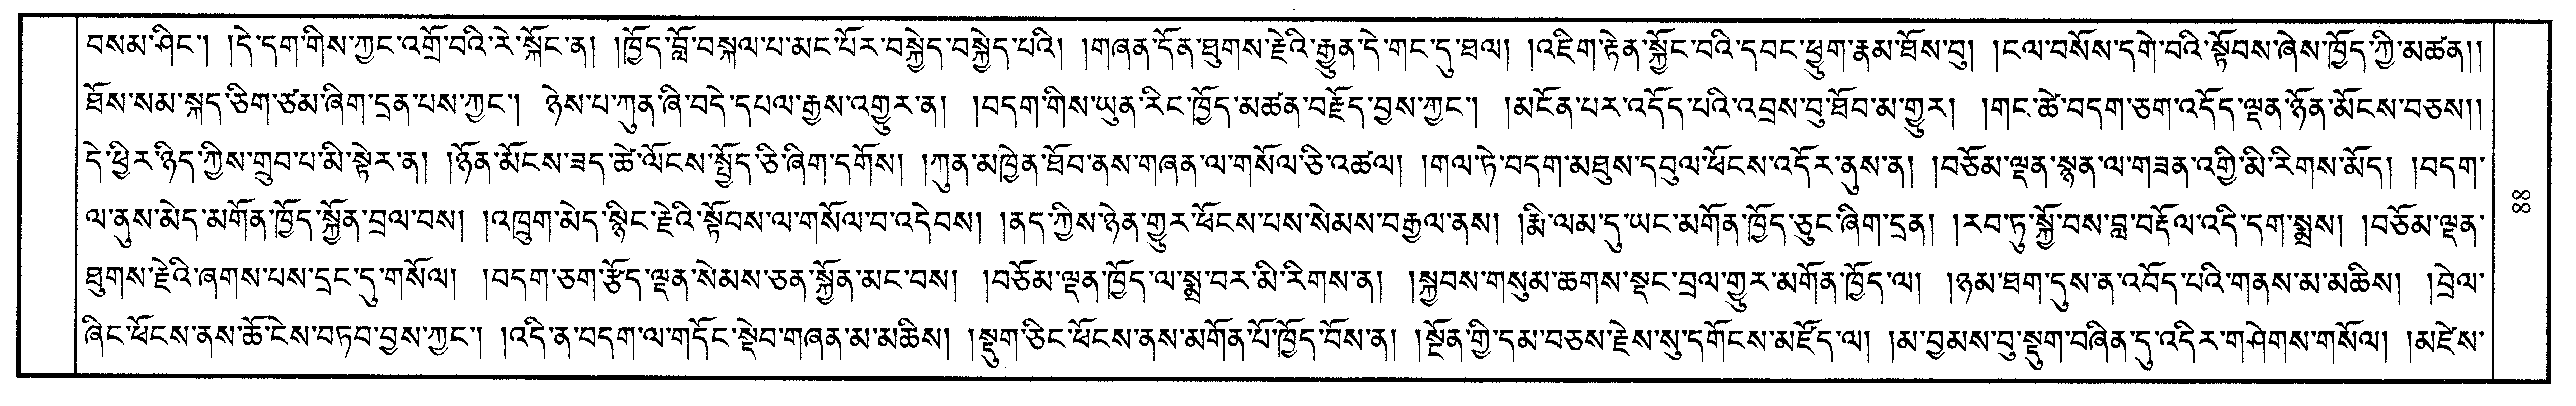བསམ་ཤིང་། །དེ་དག་གིས་ཀྱང་འགྲོ་བའི་རེ་སྐོང་ན། །ཁྱོད་བློ་བསྐལ་པ་མང་པོར་བསྐྱེད་བསྐྱེད་པའི། །གཞན་དོན་ཐུགས་རྗེའི་རྒྱུན་དེ་གང་དུ་ཐལ། །འཇིག་རྟེན་སྐྱོང་བའི་དབང་ཕྱུག་རྣམ་ཐོས་བུ། །ངལ་བསོས་དགེ་བའི་སྟོབས་ཞེས་ཁྱོད་ཀྱི་མཚན།།
ཐོས་སམ་སྐད་ཅིག་ཙམ་ཞིག་དྲན་པས་ཀྱང་། ཉེས་པ་ཀུན་ཞི་བདེ་དཔལ་རྒྱས་འགྱུར་ན། །བདག་གིས་ཡུན་རིང་ཁྱོད་མཚན་བརྗོད་བྱས་ཀྱང་། །མངོན་པར་འདོད་པའི་འབྲས་བུ་ཐོབ་མ་གྱུར། །གང་ཚེ་བདག་ཅག་འདོད་ལྡན་ཉོན་མོངས་བཅས།།
དེ་ཕྱིར་ཉིད་ཀྱིས་གྲུབ་པ་མི་སྟེར་ན། །ཉོན་མོངས་ཟད་ཚེ་ལོངས་སྤྱོད་ཅི་ཞིག་དགོས། །ཀུན་མཁྱེན་ཐོབ་ནས་གཞན་ལ་གསོལ་ཅི་འཚལ། །གལ་ཏེ་བདག་མཐུས་དབུལ་ཕོངས་འདོར་ནུས་ན། །བཅོམ་ལྡན་སྙན་ལ་གཟན་འགྱི་མི་རིགས་མོད། །བདག་
ལ་ནུས་མེད་མགོན་ཁྱོད་སྐྱོན་བྲལ་བས། །འཁྲུག་མེད་སྙིང་རྗེའི་སྟོབས་ལ་གསོལ་བ་འདེབས། །ནད་ཀྱིས་ཉེན་གྱུར་ཕོངས་པས་སེམས་བརྒྱལ་ནས། །རྨི་ལམ་དུ་ཡང་མགོན་ཁྱོད་ཅུང་ཞིག་དྲན། །རབ་ཏུ་སྐྱོ་བས་བླ་བརྡོལ་འདི་དག་སྨྲས། །བཅོམ་ལྡན་
ཐུགས་རྗེའི་ཞགས་པས་དྲང་དུ་གསོལ། །བདག་ཅག་རྩོད་ལྡན་སེམས་ཅན་སྐྱོན་མང་བས། །བཅོམ་ལྡན་ཁྱོད་ལ་སྨྲ་བར་མི་རིགས་ན། །སྐྱབས་གསུམ་ཆགས་སྡང་བྲལ་གྱུར་མགོན་ཁྱོད་ལ། །ཉམ་ཐག་དུས་ན་འབོད་པའི་གནས་མ་མཆིས། །བྲེལ་
ཞིང་ཕོངས་ནས་ཆོ་ངེས་བཏབ་བྱས་ཀྱང་། །འདི་ན་བདག་ལ་གདོང་སྡེབ་གཞན་མ་མཆིས། །སྡུག་ཅིང་ཕོངས་ནས་མགོན་པོ་ཁྱོད་བོས་ན། །སྔོན་གྱི་དམ་བཅས་རྗེས་སུ་དགོངས་མཛོད་ལ། །མ་བྱམས་བུ་སྡུག་བཞིན་དུ་འདིར་གཤེགས་གསོལ། །མཛེས་